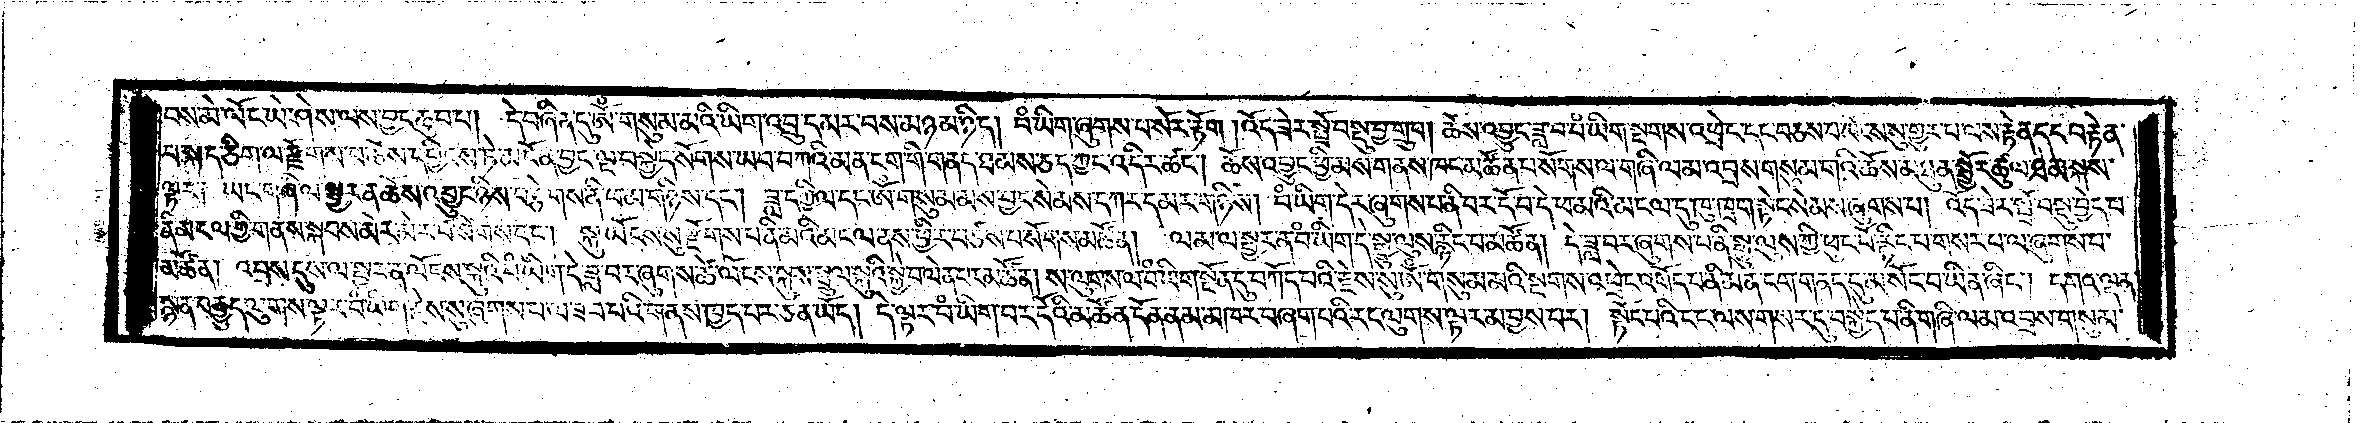བས་མེ་ལོང་ཡེ་ཤེས་ལས་བྱང་ཆུབ་པ། དེ་བཞིན་དུ་ཨོཾ་གསུམ་མའི་ཡིག་འབྲུ་དམར་བས་མཉམ་ཉིད། བཾ་ཡིག་ཞུགས་པ་སོར་རྟོག །འོད་ཟེར་སྤྲོ་བསྡུ་བྱ་གྲུབ། ཆོས་འབྱུང་ཟླ་བ་བཾ་ཡིག་སྔགས་འཕྲེང་དང་བཅས་པ་ཡོངས་སུ་གྱུར་པ་ལས་རྟེན་དང་བརྟེན་
པ་སྐད་ཅིག་ལ་རྫོགས་པ་ཆོས་དབྱིངས་ཏེ་མངོན་བྱང་ལྔ་བསྐྱེད་སོགས་ཡབ་བཀའི་མན་ངག་གི་གནད་ཐམས་ཅད་ཀྱང་འདིར་ཚང་། ཆོས་འབྱུང་ཕྱི་མས་གནས་ཁང་མཚོན་པ་སོགས་ལ་གཞི་ལམ་འབྲས་གསུམ་གའི་ཆོས་མཐུན་སྦྱོར་ཚུལ་ཐེམ་སྐས་
ལྟར༑ ཡང་གཞི་ལ་སྦྱར་ན་ཆོས་འབྱུང་ཉིས་བརྩེགས་ནི་ཕ་མ་གཉིས་དང་། ཟླ་དཀྱིལ་དང་ཨོཾ་གསུམ་མས་བྱང་སེམས་དཀར་དམར་གཉིས། བཾ་ཡིག་དེར་ཞུགས་པ་ནི་བར་དོ་བ་དེ་ཕ་མའི་མངལ་དུ་ཁུ་ཁྲག་སྟེང་སེམས་ཞུགས་པ། འོད་ཟེར་སྤྲོ་བསྡུ་བྱེད་པ་
ནི་མངལ་གྱི་གནས་སྐབས་མེར་མེར་པོ་སོགས་དང་། སྐུ་ཡོངས་སུ་རྫོགས་པ་ནི་མའི་མངལ་ནས་ཕྱིར་བཙས་པ་སོགས་མཚོན། ལམ་ལ་སྦྱར་ན་བཾ་ཡིག་དེ་སྒྱུར་ལུས་རྙིང་པ་མཚོན། དེ་ཟླ་བར་ཞུགས་པ་ནི་སྒྱུ་ལུས་ཀྱི་ཕུང་པོ་རྙིང་པ་གསར་པ་ལ་ཞུགས་པ་
མཚོན། འབྲས་དུས་ལ་སྦྱར་ན་ལོངས་སྐུའི་བཾ་ཡིག་དེ་ཟླ་བར་ཞུགས་ཚེ་ལོངས་སྐུས་སྤྲུལ་སྐུའི་སྐྱེ་བ་ལེན་པར་མཚོན། ས་ལུགས་ལ་བཾ་ཡིག་སྔོན་དུ་བཀོད་པའི་རྗེས་སུ་ཨོཾ་གསུམ་མའི་སྔགས་འཕྲེང་འགོད་པ་ནི་མན་ངག་གནད་དུ་མ་སོང་བ་ཡིན་ཞིང་། དགའ་ལྡན་
སྙན་བརྒྱུད་ལུགས་ལྟར་བཾ་ཡིག་རྗེས་སུ་ཞུགས་པ་ལ་ཟབ་པའི་གནས་ཁྱད་པར་ཅན་ཡོད། དེ་ལྟར་བཾ་ཡིག་བར་དོའི་མཚོན་དོན་ནམ་མཁར་བཞག་པའི་རང་ལུགས་ལྟར་མ་བྱས་པར། སྟོང་པའི་ངང་ལས་གསར་དུ་བསྐྱེད་པ་ནི་གཞི་ལམ་འབྲས་གསུམ་